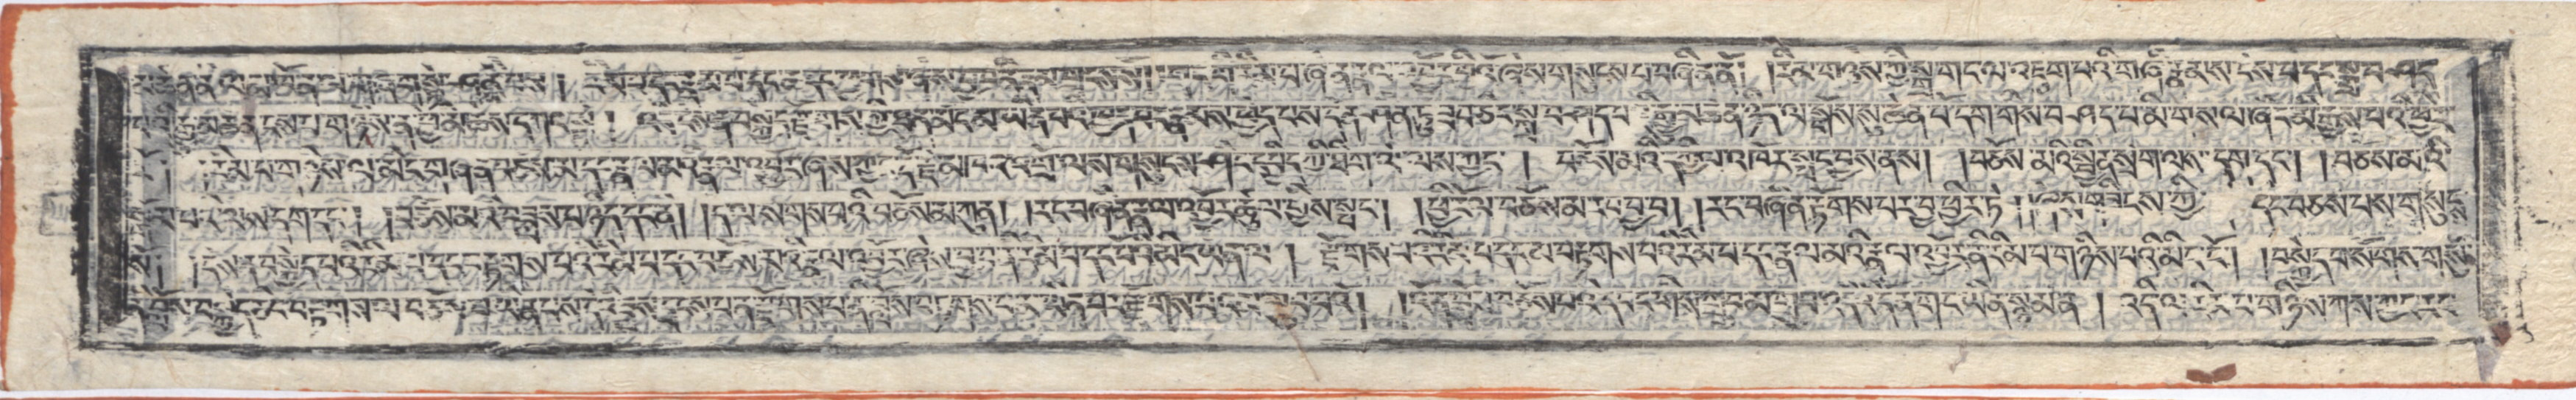མཚན་ནི་ལམ་ཁོ་ན་ལ་གཞག་སྟེ་ཤནྟི་པས། རིམ་པ་དང་རྣམ་པ་དང་ཆ་དང་ཕྱོགས་ཞེས་བྱ་བ་ནི་རྣམ་གྲངས་སོ། །གང་གི་རིམ་པ་ཞེ་ན་རྣལ་འབྱོར་གྱིའོ་ཞེས་གསུངས་པ་བཞིན་ནོ། །རིམ་གཉིས་ཀྱི་སྒྲ་གང་ལ་འཇུག་པའི་གཞི་རྣམས་ངེས་པ་དང་སྒྲ་བཤད་
པའི་རྒྱུ་མཚན་ངེས་པ་གཉིས་ནི་ཕྱི་མ་ཆེས་དཀའ་སྟེ། འདི་ངེས་ན་བསྐྱེད་རྫོགས་ཀྱི་ཐུན་མོང་མ་ཡིན་པའི་ཁྱད་པར་རྣམས་ཕྱེད་པས་དོན་ཤིན་ཏུ་ཟབ་ཅིང་སྐྲ་བཤད་པའི་རྒྱུ་མཚན་ཉིད་ལ་སྒོས་སུ་ཆེན་པོ་དག་གིས་བཤད་པ་མི་གསལ་ཞིང་མི་རྒྱས་པའི་ཕྱིར་
རོ། །རིམ་པ་གཉིས་ལ་མིང་གཞན་བཅོས་མ་དང་རྣལ་མའི་རྣལ་འབྱོར་ཞེས་ཀྱང་རྡོ་རྗེ་མཁའ་འགྲོ་ལས་གསུངས་ཤིང་དཔྱིད་ཀྱི་ཐིག་ལེ་ལས་ཀྱང་། བཅོས་མའི་དཀྱིལ་འཁོར་སྤང་བྱས་ནས། །བཅོས་མའི་སྦྱིན་སྲེག་ལས་དག་དང་། །བཅོས་མའི་
སྒོམ་པའི་ལས་དག་དང་། །བཅོས་མའི་བཟླས་པ་ཉིད་དང་ནི། །དེ་ལ་སོགས་པའི་བཅོས་མ་ཀུན། །རང་བཞིན་རྣལ་འབྱོར་ཚུལ་གྱིས་སྤང་། །ཕྱི་རོལ་བཅོས་མ་རབ་བྱ་བ། །རང་བཞིན་རྟོགས་པར་བྱ་ཕྱིར་ཏེ། །ཞེས་གཟིངས་ཀྱི་?་དང་བཅས་པས་གསུངས་
སོ། །དེས་ན་བསྐྱེད་པའི་རིམ་པ་དང་བརྟགས་པའི་རིམ་པ་དང་བཅོས་མའི་རྣལ་འབྱོར་ཞེས་བྱ་བ་ནི་རིམ་པ་དང་པོའི་མིང་ཡིན་ལ། རྫོགས་པའི་རིམ་པ་དང་མ་བརྟགས་པའི་རིམ་པ་དང་རྣལ་མའི་རྣལ་འབྱོར་ནི་རིམ་པ་གཉིས་པའི་མིང་ངོ། །བསྐྱེད་པ་སོགས་གསུམ་
ནི་བློས་བསྐྱེད་ཅིང་བརྟགས་ལ་བཅོས་པ་ཡིན་པས་དེའི་ཟླས་དྲངས་པ་ན་རྫོགས་པ་ནི་བློས་བཏགས་པ་མ་ཡིན་པར་རྫོགས་པའམ་གྲུབ་པའོ། །འོ་ན་བློས་བཅོས་པའི་དབང་གིས་གྲུབ་མ་གྲུབ་འདིའི་དོན་གང་ཡིན་སྙམ་ན། འདི་ལ་རིམ་པ་